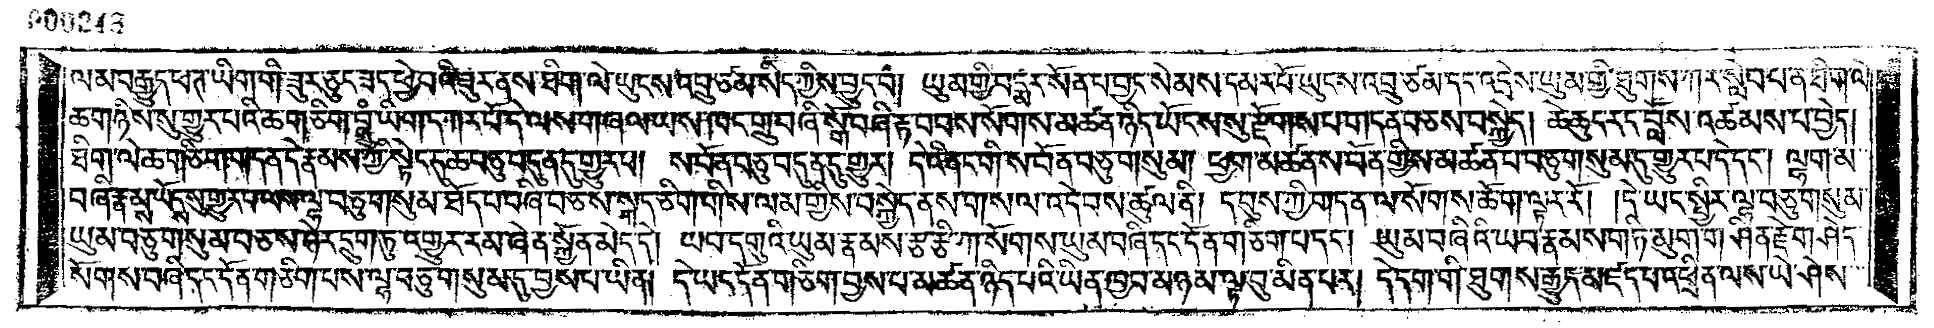ལམ་བརྒྱུད་ཕཊ་ཡིག་གི་ཟུར་ཅུང་ཟད་ཕྱེ་བའི་ཟུར་ནས་ཐིག་ལེ་ཡུངས་འབྲུ་ཙམ་སིད་ཀྱིས་བྱུང་བ། ཡུམ་གྱི་པདམར་སོན་པ་བྱང་སེམས་དམར་པོ་ཡུངས་འབྲུ་ཙམ་དང་འདྲེས་ཡུམ་གྱི་ཐུགས་ཀར་སླེབ་པ་ན་ཐིག་ལེ་
ཆ་གཉིས་སུ་གྱུར་པའི་ཆ་གཅིག་བྷྲུཾ་ཡིག་དཀར་པོ་དེ་ལས་གཞལ་ཡས་ཁང་གྲུ་བཞི་སྒོ་བཞི་རྟ་བབས་སོགས་མཚན་ཉིད་ཡོངས་སུ་རྫོགས་པ་གདན་བཅས་བསྐྱེད། ཆེ་ཆུང་རང་བློས་འཚམས་པ་བྱེད།
ཐིག་ལེ་ཆ་གཅིག་གདན་དེ་རྣམས་ཀྱི་སྟེང་དུ་ཆ་བཅུ་བདུན་དུ་གྱུར་པ། ས་བོན་བཅུ་བདུན་དུ་གྱུར། དེའི་ནང་གི་ས་བོན་བཅུ་གསུམ། ཕྱག་མཚན་ས་བོན་གྱིས་མཚན་པ་བཅུ་གསུམ་དུ་གྱུར་པ་དེ་དང་། ལྷག་མ་
བཞི་རྣམས་ཡོངས་སུ་གྱུར་བ་ལས་ལྷ་བཅུ་གསུམ་ཐོད་པ་བཞི་བཅས་སྐད་ཅིག་གིས་ལམ་གྱིས་བསྐྱེད་ནས་གསལ་འདེབས་ཚུལ་ནི། དབུས་ཀྱི་གདན་ལ་སོགས་ཆོ་ག་ལྟར་རོ། །དེ་ཡང་སྤྱིར་ལྷ་བཅུ་གསུམ་
ཡུམ་བཅུ་གསུམ་བཅས་ཉེར་དྲུག་ཏུ་འགྱུར་རམ་ཞེ་ན་སྐྱོན་མེད་དེ། ཡབ་དགུའི་ཡུམ་རྣམས་རྩ་རྩི་ཀ་སོགས་ཡུམ་བཞི་དང་དོན་གཅིག་པ་དང་། ཡུམ་བཞིའི་ཡབ་རྣམས་གཏི་མུག་གཤིན་རྗེ་གཤེད་
སོགས་བཞི་དང་དོན་གཅིག་པས་ལྷ་བཅུ་གསུམ་དུ་བྱས་པ་ཡིན། དེ་ཡང་དོན་གཅིག་བྱས་པ་མཚན་ཉིད་པའི་ཡིན་ཁྱབ་མཉམ་ལྟ་བུ་མིན་པར། དེ་དག་གི་ཐུགས་རྒྱུད་མཛད་པ་འཕྲིན་ལས་ཡེ་ཤེས་